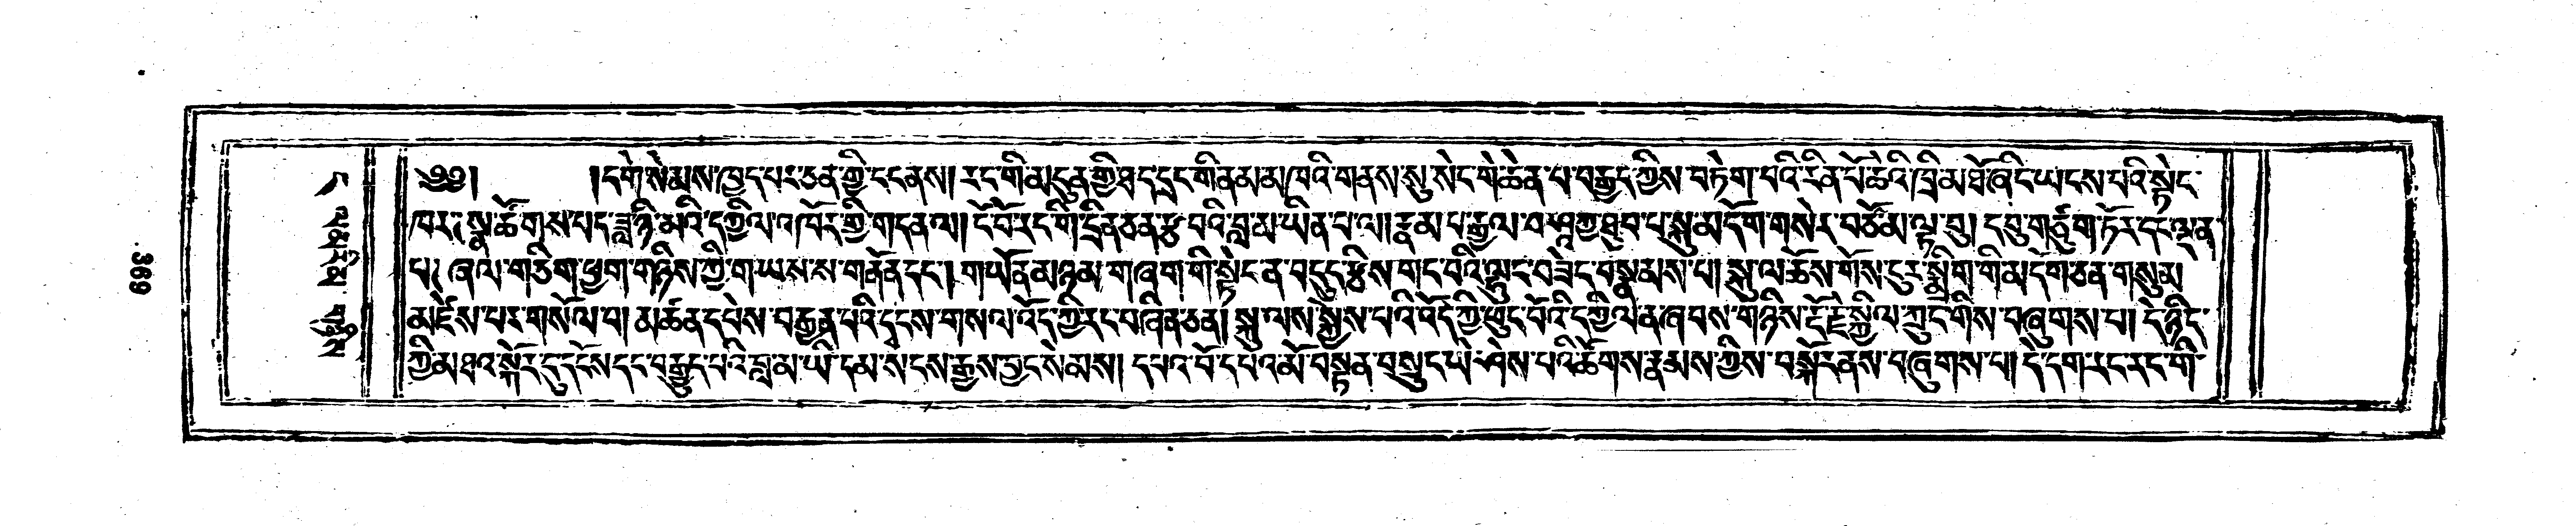༄༅། །དགེ་སེམས་ཁྱད་པར་ཅན་གྱི་ངང་ནས། རང་གི་མདུན་གྱི་ཐད་དྲང་གི་ནམ་མཁའི་གནས་སུ་སེང་གེ་ཆེན་པོ་བརྒྱད་ཀྱིས་བཏེག་པའི་རིན་པོ་ཆེའི་ཁྲི་མཐོ་ཞིང་ཡངས་པའི་སྟེང་
ཁར༑ སྣ་ཚོགས་པད་ཟླ་ཉི་མའི་དཀྱིལ་འཁོར་གྱི་གདན་ལ། ངོ་བོ་རང་གི་དྲིན་ཅན་རྩ་བའི་བླ་མ་ཡིན་པ་ལ། རྣམ་པ་རྒྱལ་བ་ཤཱཀྱ་ཐུབ་པ་སྐུ་མདོག་གསེར་བཙོ་མ་ལྟ་བུ། དབུ་གཙུག་ཏོར་དང་ལྡན་
པ༑ ཞལ་གཅིག་ཕྱག་གཉིས་ཀྱི་གཡས་ས་གནོན་དང་། གཡོན་མཉམ་གཞག་གི་སྟེང་ན་བདུད་རྩིས་གང་བའི་ལྷུང་བཟེད་བསྣམས་པ། སྐུ་ལ་ཆོས་གོས་ངུར་སྨྲིག་གི་མདོག་ཅན་གསུམ་
མཛེས་པར་གསོལ་བ། མཚན་དཔེས་བརྒྱན་པའི་དངས་གསལ་འོད་ཀྱི་རང་བཞིན་ཅན། སྐུ་ལས་སྐྱེས་པའི་འོད་ཀྱི་ཕུང་པོའི་དཀྱིལ་ན་ཞབས་གཉིས་རྡོ་རྗེ་སྐྱིལ་ཀྲུང་གིས་བཞུགས་པ། དེ་ཉིད་
ཀྱི་མཐའ་སྐོར་དུ་དངོས་དང་བརྒྱུད་པའི་བླ་མ་ཡི་དམ་སངས་རྒྱས་བྱང་སེམས། དཔའ་བོ་དཔའ་མོ་བསྟན་བསྲུང་ཡེ་ཤེས་པའི་ཚོགས་རྣམས་ཀྱིས་བསྐོར་ནས་བཞུགས་པ། དེ་དག་རང་རང་གི་